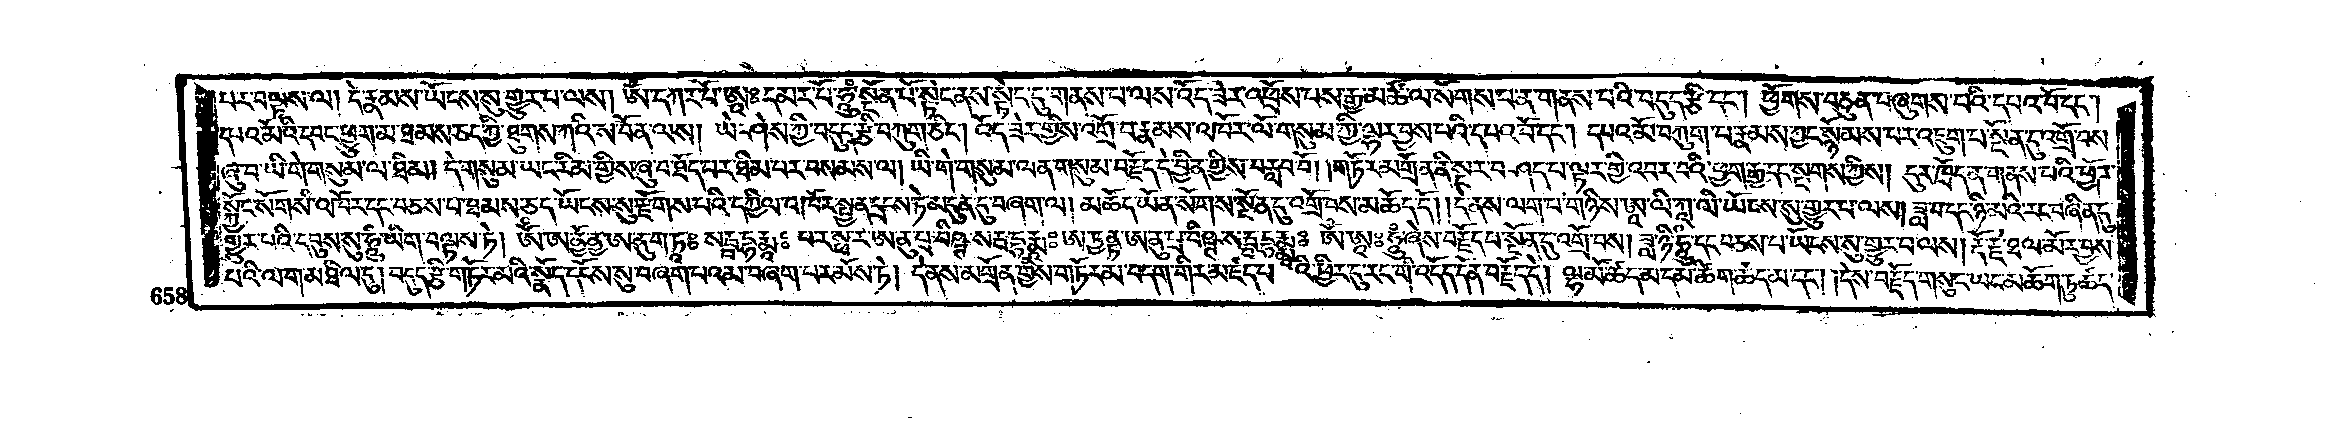པར་བལྟས་ལ། དེ་རྣམས་ཡོངས་སུ་གྱུར་པ་ལས། ཨོཾ་དཀར་པོ་ཨཱཿ དམར་པོ་ཧཱུཾ་སྔོན་པོ་སྟེང་ནས་སྟེང་དུ་གནས་པ་ལས་འོད་ཟེར་འཕྲོས་པས་རྒྱ་མཚོ་ལ་སོགས་པ་ན་གནས་པའི་བདུད་རྩི་དང་། ཕྱོགས་བཅུ་ན་བཞུགས་པའི་དཔའ་བོ་དང་།
དཔའ་མོའི་དབང་ཕྱུག་མ་ཐམས་ཅད་ཀྱི་ཐུགས་ཀའི་ས་བོན་ལས། ཡེ་ཤེས་ཀྱི་བདུད་རྩི་བཀུག་ཅིང་། འོད་ཟེར་གྱིས་འགྲོ་བ་རྣམས་འཁོར་ལོ་གསུམ་གྱི་ལྷར་བྱས་པའི་དཔའ་བོ་དང་། དཔའ་མོ་བཀུག་པ་རྣམས་ཀྱང་སྙོམས་པར་འཇུག་པ་སྔོན་དུ་འགྲོ་བས་
ཞུ་བ་ཡི་གེ་གསུམ་ལ་ཐིམ། དེ་གསུམ་ཡང་རིམ་གྱིས་ཞུ་བ་ཐོད་པར་ཐིམ་པར་བསམས་ལ། ཡི་གེ་གསུམ་ལན་གསུམ་བརྗོད་དེ་བྱིན་གྱིས་བརླབ་བོ། །གཏོར་མགྲོན་ནི་སྔར་བཤད་པ་ལྟར་གྱི་འབར་བའི་ཕྱག་རྒྱ་དང་སྔགས་ཀྱིས། དུར་ཁྲོད་ན་གནས་པའི་ཕྱོགས་
སྐྱོང་སོགས་འཁོར་དང་བཅས་པ་ཐམས་ཅད་ཡོངས་སུ་རྫོགས་པའི་དཀྱིལ་འཁོར་སྤྱན་དྲངས་ཏེ་མདུན་དུ་བཞག་ལ། མཆོད་ཡོན་སོགས་སྔོན་དུ་འགྲོ་བས་མཆོད་དོ། །དེ་ནས་ལག་པ་གཉིས་ཨཱ་ལི་ཀཱ་ལི་ཡོངས་སུ་གྱུར་པ་ལས། ཟླ་བ་དང་ཉི་མའི་རང་བཞིན་དུ་
གྱུར་པའི་དབུས་སུ་ཧཱུཾ་ཡིག་བལྟས་ཏེ། ཨོཾ་ཨ་ནྱོ་ནྱ་ཨ་ནུ་ག་ཏཱཿ སརྦྦ་དྷརྨཱཿ པ་ར་སྥ་ར་ཨ་ནུ་པྲ་བིཥྚ་སརྦ་དྷརྨཱཿ ཨ་ཏྱནྟ་ཨ་ནུ་པྲ་བིཥྚ་སརྦྦ་དྷརྨྨཿ ཨོཾ་ཨཱཿ ཧཱུཾ་ཞེས་བརྗོད་པ་སྔོན་དུ་འགྲོ་བས། ཟླ་ཉི་ཧཱུཾ་དང་བཅས་པ་ཡོངས་སུ་གྱུར་པ་ལས། རྡོ་རྗེ་ཐལ་མོར་བྱས་
པའི་ལག་མཐིལ་དུ། བདུད་རྩི་གཏོར་མའི་སྣོད་དངོས་སུ་བཞག་པའམ་བཞག་པར་མོས་ཏེ། དེ་ནས་མགྲོན་གྱིས་གཏོར་མ་བདག་གིར་མཛད་པའི་ཕྱིར་དུ་རང་གི་འདོད་དོན་བརྗོད་དེ། ལྷ་མོ་ཚད་མ་དམ་ཚིག་ཚད་མ་དང་། །དས་བརྗོད་གསུང་ཡང་མཆོག་ཏུ་ཚད་